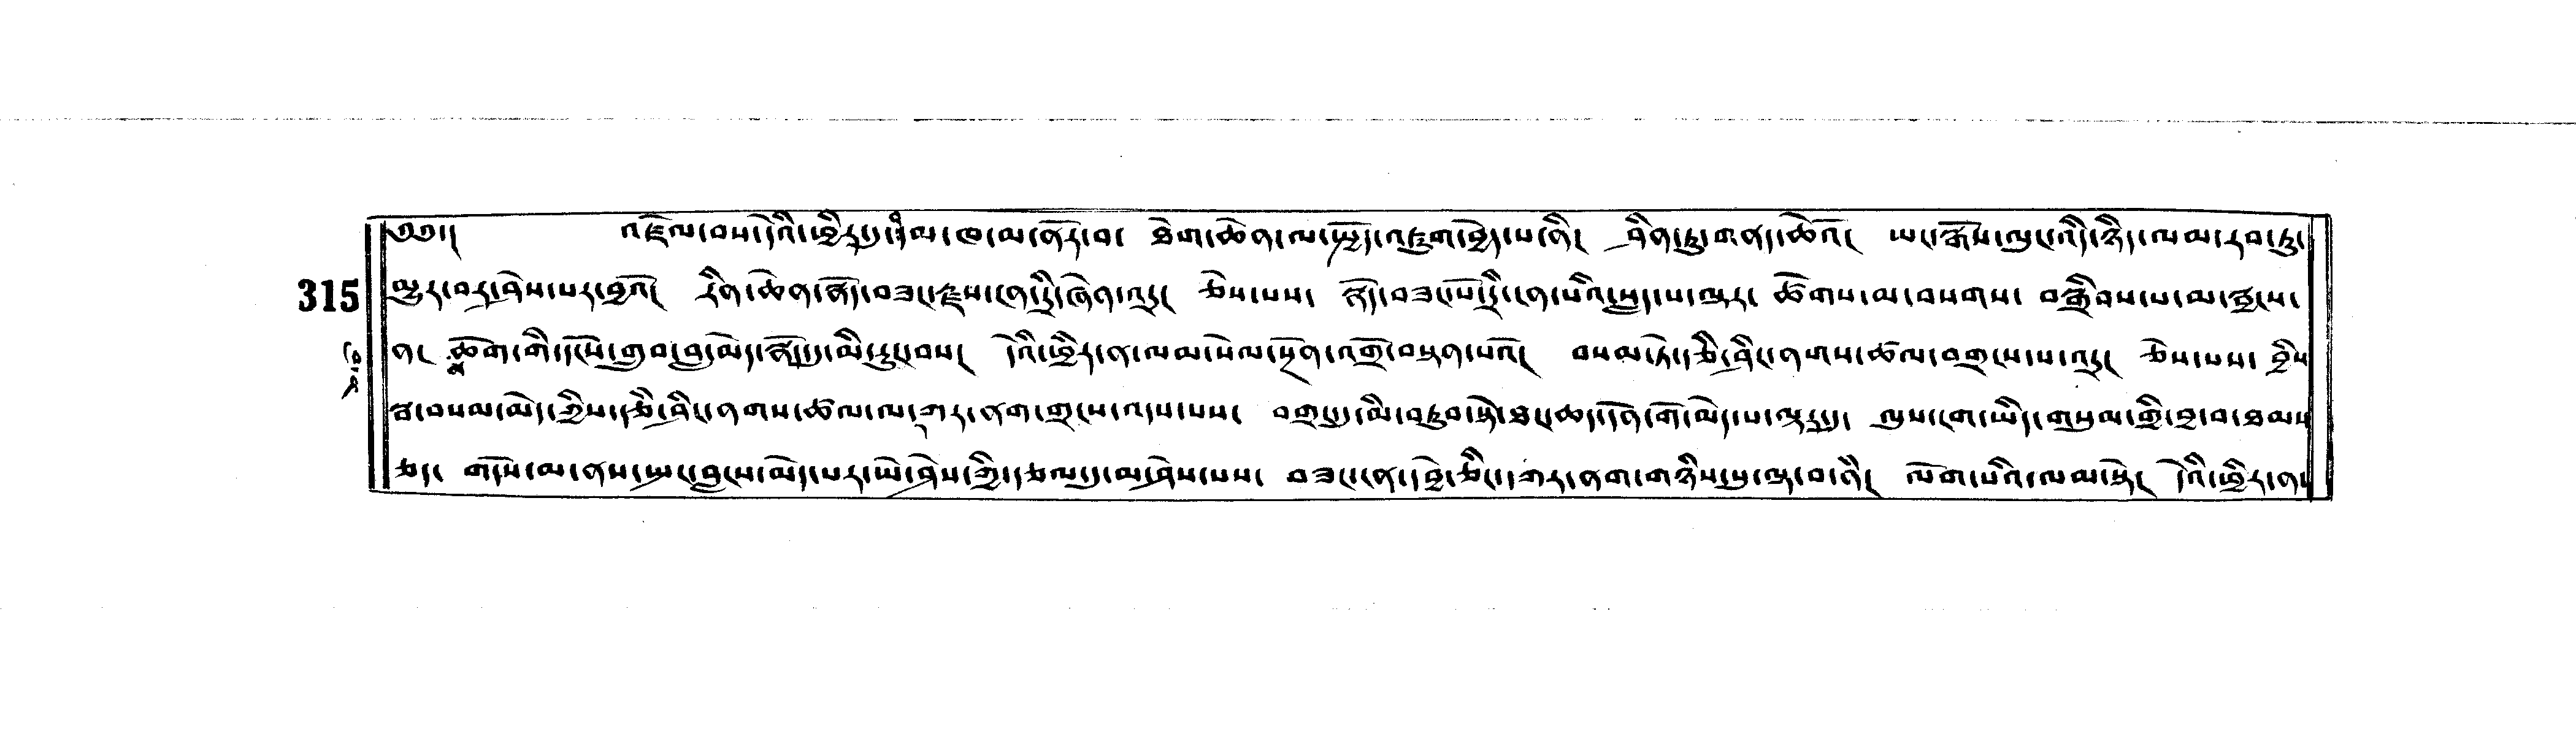འཛོལ་བས། དེའི་ཕྱིར་དུ་འདམ་ཁ་མ་ནོར་བ་ཐེག་ཆེན་ལ་སྤྱོད་འཇུག་བྱེད་པ་ནི་ཤིན་ཏུ་གནད་ཆེའོ། ཡང་སྒོས་ལུང་འདི་ཉིད་ལམ་རབ་ཏུ་
མྱུར་བ་ཤེས་པར་བྱའོ། རིན་ཆེན་སྣོད་བཟང་རྫས་ངན་དྲི་ཞེན་འདྲ། ཅེས་པས། སྣོད་བཟང་པོ་དྲི་ངན་པས་བསླད་པ་ལྟར། ཚོགས་མ་བསགས་སྒྲིབ་པ་མ་སྦྱངས་
ན་མཆོག་གི་དངོས་གྲུབ་བླ་མེད་སྣོད་དུ་མི་རུང་བས། དེའི་ཕྱིར་ན་ལམ་སེལ་སྔོན་འགྲོ་བསྟན་པའོ། བསམ་སྟེ་རྩི་ཤིང་ནགས་ཚལ་བགྲངས་པ་འདྲ། ཅེས་པས་བྱིས་
སྦ་བསམ་མེད་ཀྱིས་རྩི་ཤིང་ནགས་ཚལ་ལ་དཀར་ནག་གྲངས་འདས་པས་བགྲང་དུ་མི་བཏུབ་སྟེ་ཐང་ཆད་དོན་གོ་མེད་པ་ལྟར་དུ། ལུས་ངག་ཡིད་གསུམ་གྱི་བྱ་བ་ཐམས་
ཅད་གདོད་མ་ནས་སྤང་བླང་མེད་པར་ཡེ་ཤེས་ཀྱི་རྩལ་དུ་མ་ཤེས་པས་བཟང་ངན་དབྱེ་ཞིང་དཀར་ནག་གཉིས་སུ་ལྟ་བ་ནི་ལོག་པའི་ལམ་སྟེ། དེའི་ཕྱིར་ན་